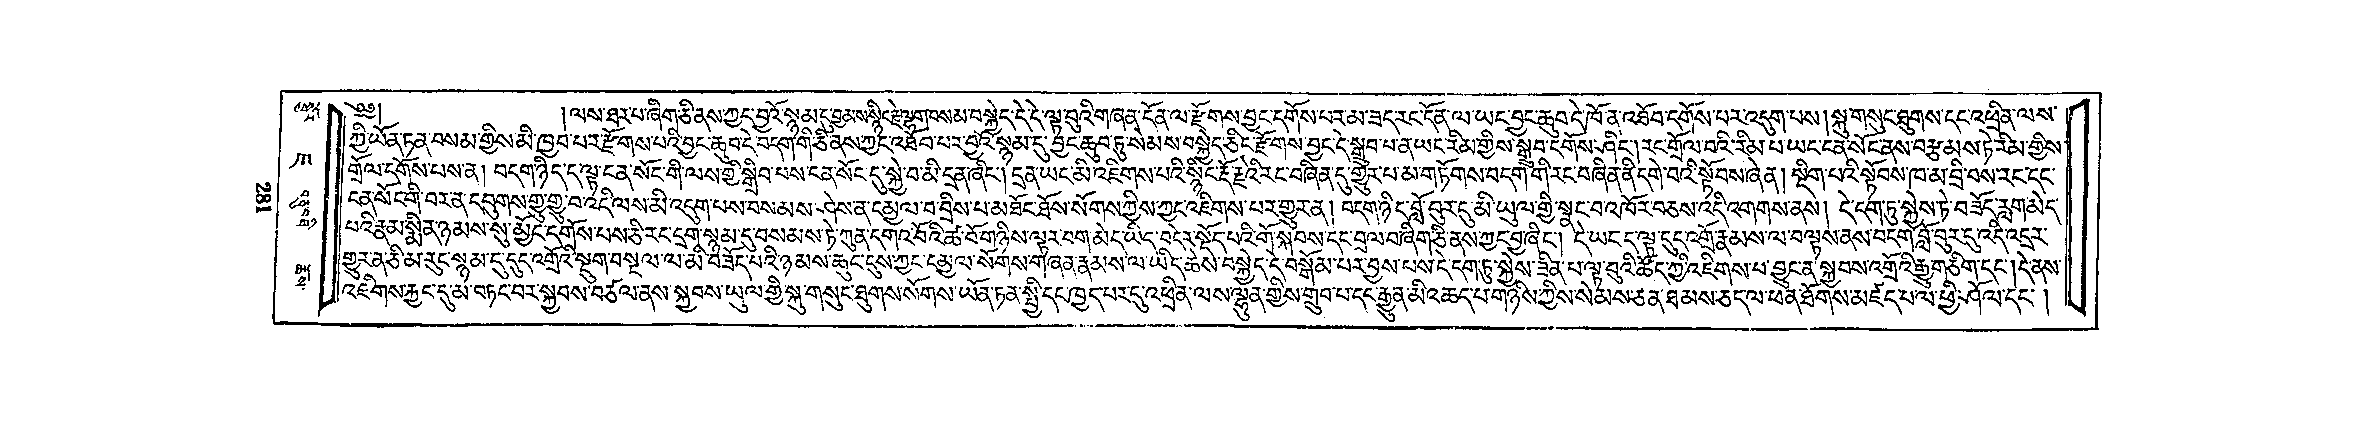༄༅། །ལས་ཐར་པ་ཞིག་ཅི་ནས་ཀྱང་བྱའོ་སྙམ་དུ་བྱམས་སྙིང་རྗེ་ལྷག་བསམ་བསྐྱེད་དེ་དེ་ལྟ་བུའི་གཞན་དོན་ལ་རྫོགས་བྱང་དགོས་པར་མ་ཟད་རང་དོན་ལ་ཡང་བྱང་ཆུབ་དེ་ཁོ་ན་འཐོབ་དགོས་པར་འདུག་པས། སྐུ་གསུང་ཐུགས་དང་འཕྲིན་ལས་
ཀྱི་ཡོན་ཏན་བསམ་གྱིས་མི་ཁྱབ་པར་རྫོགས་པའི་བྱང་ཆུབ་དེ་བདག་གི་ཅི་ནས་ཀྱང་འཐོབ་པར་བྱའོ་སྙམ་དུ་བྱང་ཆུབ་ཏུ་སེམས་བསྐྱེད་ཅིང་རྫོགས་བྱང་དེ་སྒྲུབ་པ་ན་ཡང་རིམ་གྱིས་སྒྲུབ་དགོས་ཤིང་། རང་གྲོལ་བའི་རིམ་པ་ཡང་ངན་སོང་ནས་བརྩམས་ཏེ་རིམ་གྱིས་
གྲོལ་དགོས་པས་ན། བདག་ཉིད་ད་ལྟ་ངན་སོང་གི་ལས་གྱི་སྒྲིབ་པས་ངན་སོང་དུ་སྐྱེ་བ་མི་དྲན་ཞིང་། དྲན་ཡང་མི་འཇིགས་པའི་སྙིང་རྡོ་རྗེའི་རང་བཞིན་དུ་གྱུར་པ་མ་གཏོགས་བདག་གི་རང་བཞིན་ནི་དགེ་བའི་སྟོབས་ཞེན། སྡིག་པའི་སྟོབས་ཁ་མ་བྲི་བས་རང་དང་
ངན་སོང་གི་བར་ན་དབུགས་གྱུ་གྱུ་བ་འདི་ལས་མི་འདུག་པས་བསམས་ཤེས་ན་དམྱལ་བ་བྲིས་པ་མཐོང་ཐོས་སོགས་ཀྱིས་ཀྱང་འཇིགས་པར་གྱུར་ན། བདག་ཉིད་བློ་བུར་དུ་མི་ཡུལ་གྱི་སྣང་བ་འཁོར་བཅས་འདི་འགགས་ནས། དེ་དག་ཏུ་སྐྱེས་ཏེ་བཟོད་རླག་མེད་
པའི་རྣམ་སྨིན་ཉམས་སུ་མྱོང་དགོས་པས་ཅི་རང་དྲག་སྙམ་དུ་བསམས་ཏེ་ཀུན་དགའ་བོའི་ཚ་བོ་གཉིས་ལྟར་བག་མེད་ཡིད་བདེར་སྡོད་པའི་གོ་སྐབས་དང་བྲལ་བ་ཞིག་ཅི་ནས་ཀྱང་བྱ་ཞིང་། དེ་ཡང་ད་ལྟ་དུད་འགྲོ་རྣམས་ལ་བལྟས་ནས་བདག་བློ་བུར་དུ་འདི་འདྲར་
གྱུར་ན་ཅི་མ་རུང་སྙམ་དུ་དུད་འགྲོའི་སྡུག་བསྔལ་ལ་མི་བཟོད་པའི་ཉམས་ཆུང་དུས་ཀྱང་དམྱལ་སོགས་གཞན་རྣམས་ལ་ཡིད་ཆེས་བསྐྱེད་དེ་བསྒོམ་པར་བྱས་པས་དེ་དག་ཏུ་སྐྱེས་ཟིན་པ་ལྟ་བུའི་ཚོད་ཀྱི་འཇིགས་པ་བྱུང་ན་སྐྱབས་འགྲོའི་རྒྱུ་གཅིག་དང་། དེ་ནས་
འཇིགས་རྐྱང་དུ་མ་བཏང་བར་སྐྱབས་བཙལ་ནས་སྐྱབས་ཡུལ་གྱི་སྐུ་གསུང་ཐུགས་སོགས་ཡོན་ཏན་སྤྱི་དང་ཁྱད་པར་དུ་འཕྲིན་ལས་ལྷུན་གྱིས་གྲུབ་པ་དང་རྒྱུན་མི་འཆད་པ་གཉིས་ཀྱིས་སེམས་ཅན་ཐམས་ཅད་ལ་ཕན་ཐོགས་མཛད་པ་ལ་ཕྱི་ཤོལ་དང་།